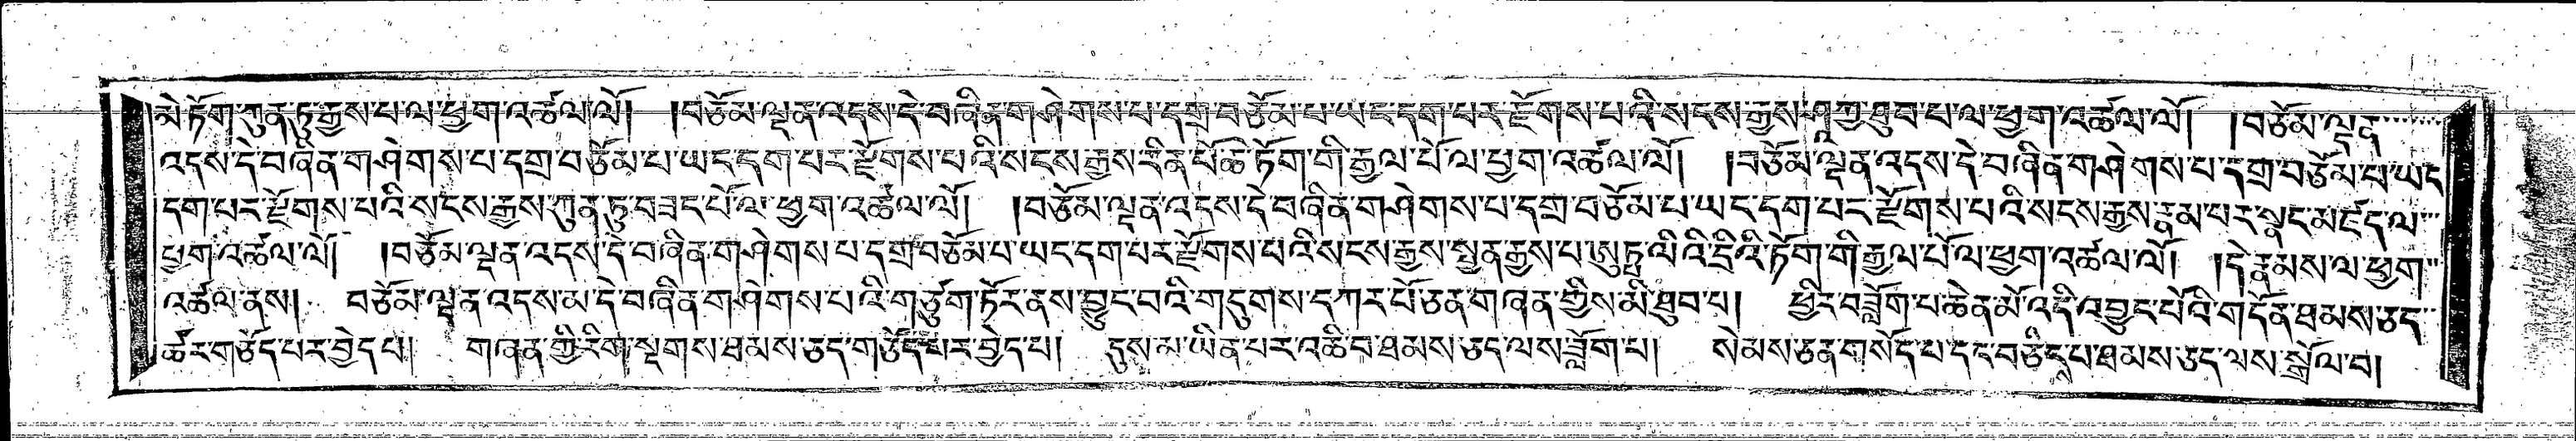མེ་ཏོག་ཀུན་ཏུ་རྒྱས་པ་ལ་ཕྱག་འཚལ་ལོ། །བཅོམ་ལྡན་འདས་དེ་བཞིན་གཤེགས་པ་དགྲ་བཅོམ་པ་ཡང་དག་པར་རྫོགས་པའི་སངས་རྒྱས་ཤཱཀྱ་ཐུབ་པ་ལ་ཕྱག་འཚལ་ལོ། །བཅོམ་ལྡན་
འདས་དེ་བཞིན་གཤེགས་པ་དགྲ་བཅོམ་པ་ཡང་དག་པར་རྫོགས་པའི་སངས་རྒྱས་རིན་པོ་ཆེ་ཏོག་གི་རྒྱལ་པོ་ལ་ཕྱག་འཚལ་ལོ། །བཅོམ་ལྡན་འདས་དེ་བཞིན་གཤེགས་པ་དགྲ་བཅོམ་པ་ཡང་
དག་པར་རྫོགས་པའི་སངས་རྒྱས་ཀུན་ཏུ་བཟང་པོ་ལ་ཕྱག་འཚལ་ལོ། །བཅོམ་ལྡན་འདས་དེ་བཞིན་གཤེགས་པ་དགྲ་བཅོམ་པ་ཡང་དག་པར་རྫོགས་པའི་སངས་རྒྱས་རྣམ་པར་སྣང་མཛད་ལ་
ཕྱག་འཚལ་ལོ། །བཅོམ་ལྡན་འདས་དེ་བཞིན་གཤེགས་པ་དགྲ་བཅོམ་པ་ཡང་དག་པར་རྫོགས་པའི་སངས་རྒྱས་སྤྱན་རྒྱས་པ་ཨུཏྤ་ལིའི་དྲིའི་ཏོག་གི་རྒྱལ་པོ་ལ་ཕྱག་འཚལ་ལོ། །དེ་རྣམས་ལ་ཕྱག་
འཚལ་ནས། བཅོམ་ལྡན་འདས་མ་དེ་བཞིན་གཤེགས་པའི་གཙུག་ཏོར་ནས་བྱུང་བའི་གདུགས་དཀར་པོ་ཅན་གཞན་གྱིས་མི་ཐུབ་པ། ཕྱིར་བཟློག་པ་ཆེན་མོ་འདི་འབྱུང་པོའི་གདོན་ཐམས་ཅད་
ཚར་གཅོད་པར་བྱེད་པ། གཞན་གྱི་རིག་སྔགས་ཐམས་ཅད་གཅོད་པར་བྱེད་པ། དུས་མ་ཡིན་པར་འཆི་བ་ཐམས་ཅད་ལས་ཟློག་པ། སེམས་ཅན་གསོད་པ་དང་བཅིངས་པ་ཐམས་ཅད་ལས་སྒྲོལ་བ།